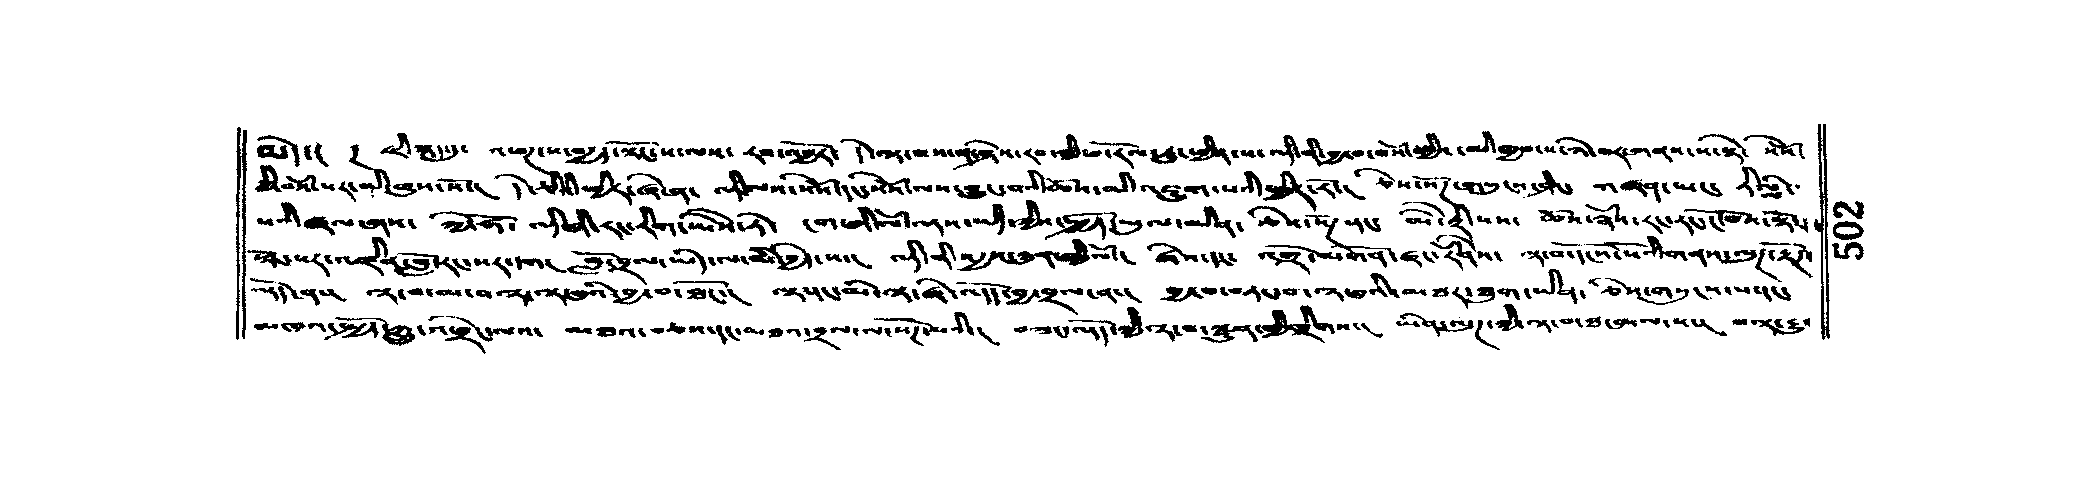མེད། ༈ ཇི་སྐད་དུ། འཕགས་པ་བརྒྱད་སྟོང་པ་ལས། རབ་འབྱོར། དེ་ལྟ་བས་ན་ཤེས་རབ་ཀྱི་ཕ་རོལ་ཏུ་ཕྱིན་པ་འདི་ནི་བྱ་བ་བསམ་གྱིས་མི་ཁྱབ་པ་ཉེ་བར་གནས་པ་སྟེ། སེམས་
ཀྱི་བསམ་པར་མི་ནུས་སོ། དེ་ཅིའི་ཕྱིར་ཞེ་ན། འདི་ལས་སེམས་དང་སེམས་ལས་བྱུང་བའི་ཆོས་མི་འཇུག་པའི་ཕྱིར་རོ། ཞེས་སོགས་གསུངས་ཤིང་།གཞན་ཡང་། ཏིལློ་
པའི་ཞལ་ནས། ཀྱེ་ཧོ། འདི་ནི་རང་རིག་ཡེ་ཤེས་ཏེ། །ངག་གི་ལམ་འདས་ཡིད་ཀྱི་སྤྱོད་ཡུལ་མིན། ཞེས་སོགས་དང་། མཻ་ཏྲི་པས། ཆོས་རྣམས་རང་རང་ངོ་བོས་སྟོང་། །
སྟོང་པར་འཛིན་བློ་རང་སར་དག །བློ་བྲལ་ཡིད་ལ་མི་བྱེད་པ། །འདི་ནི་སངས་རྒྱས་ཀུན་གྱི་ལམ། ཞེས་དང་། འགྲོ་མགོན་ཞང་རིན་པོ་ཆེས། ལྟ་བ་དངོས་པོའི་གནས་ལུགས་རྟོགས་
འདོད་ན། །ལྟ་བ་མ་བལྟ་ལྟ་བའི་བྱ་བ་ཐོངས། །ལྟ་དང་མི་ལྟ་ཞེ་འདོད་བྱ་བྲལ་ན། །བྱ་བ་བཏང་བ་ལྟ་བའི་མཐར་ཐུག་ཡིན། ཅེས་གསུངས་པ་དང་། 
མཁའ་སྤྱོད་ཀླུ་འཕྲེང་ལས། མཐའ་བཅས་དང་མཐའ་བྲལ་ལ་སོགས་པའི། །བཟང་འདོད་ཀྱི་ལྟ་བ་རྫུན་གྱི་ཁྲིགས། །ཡིན་ལུགས་ཀྱི་ལྟ་བ་ཐ་མལ་པ། །བལྟ་རྒྱུ་